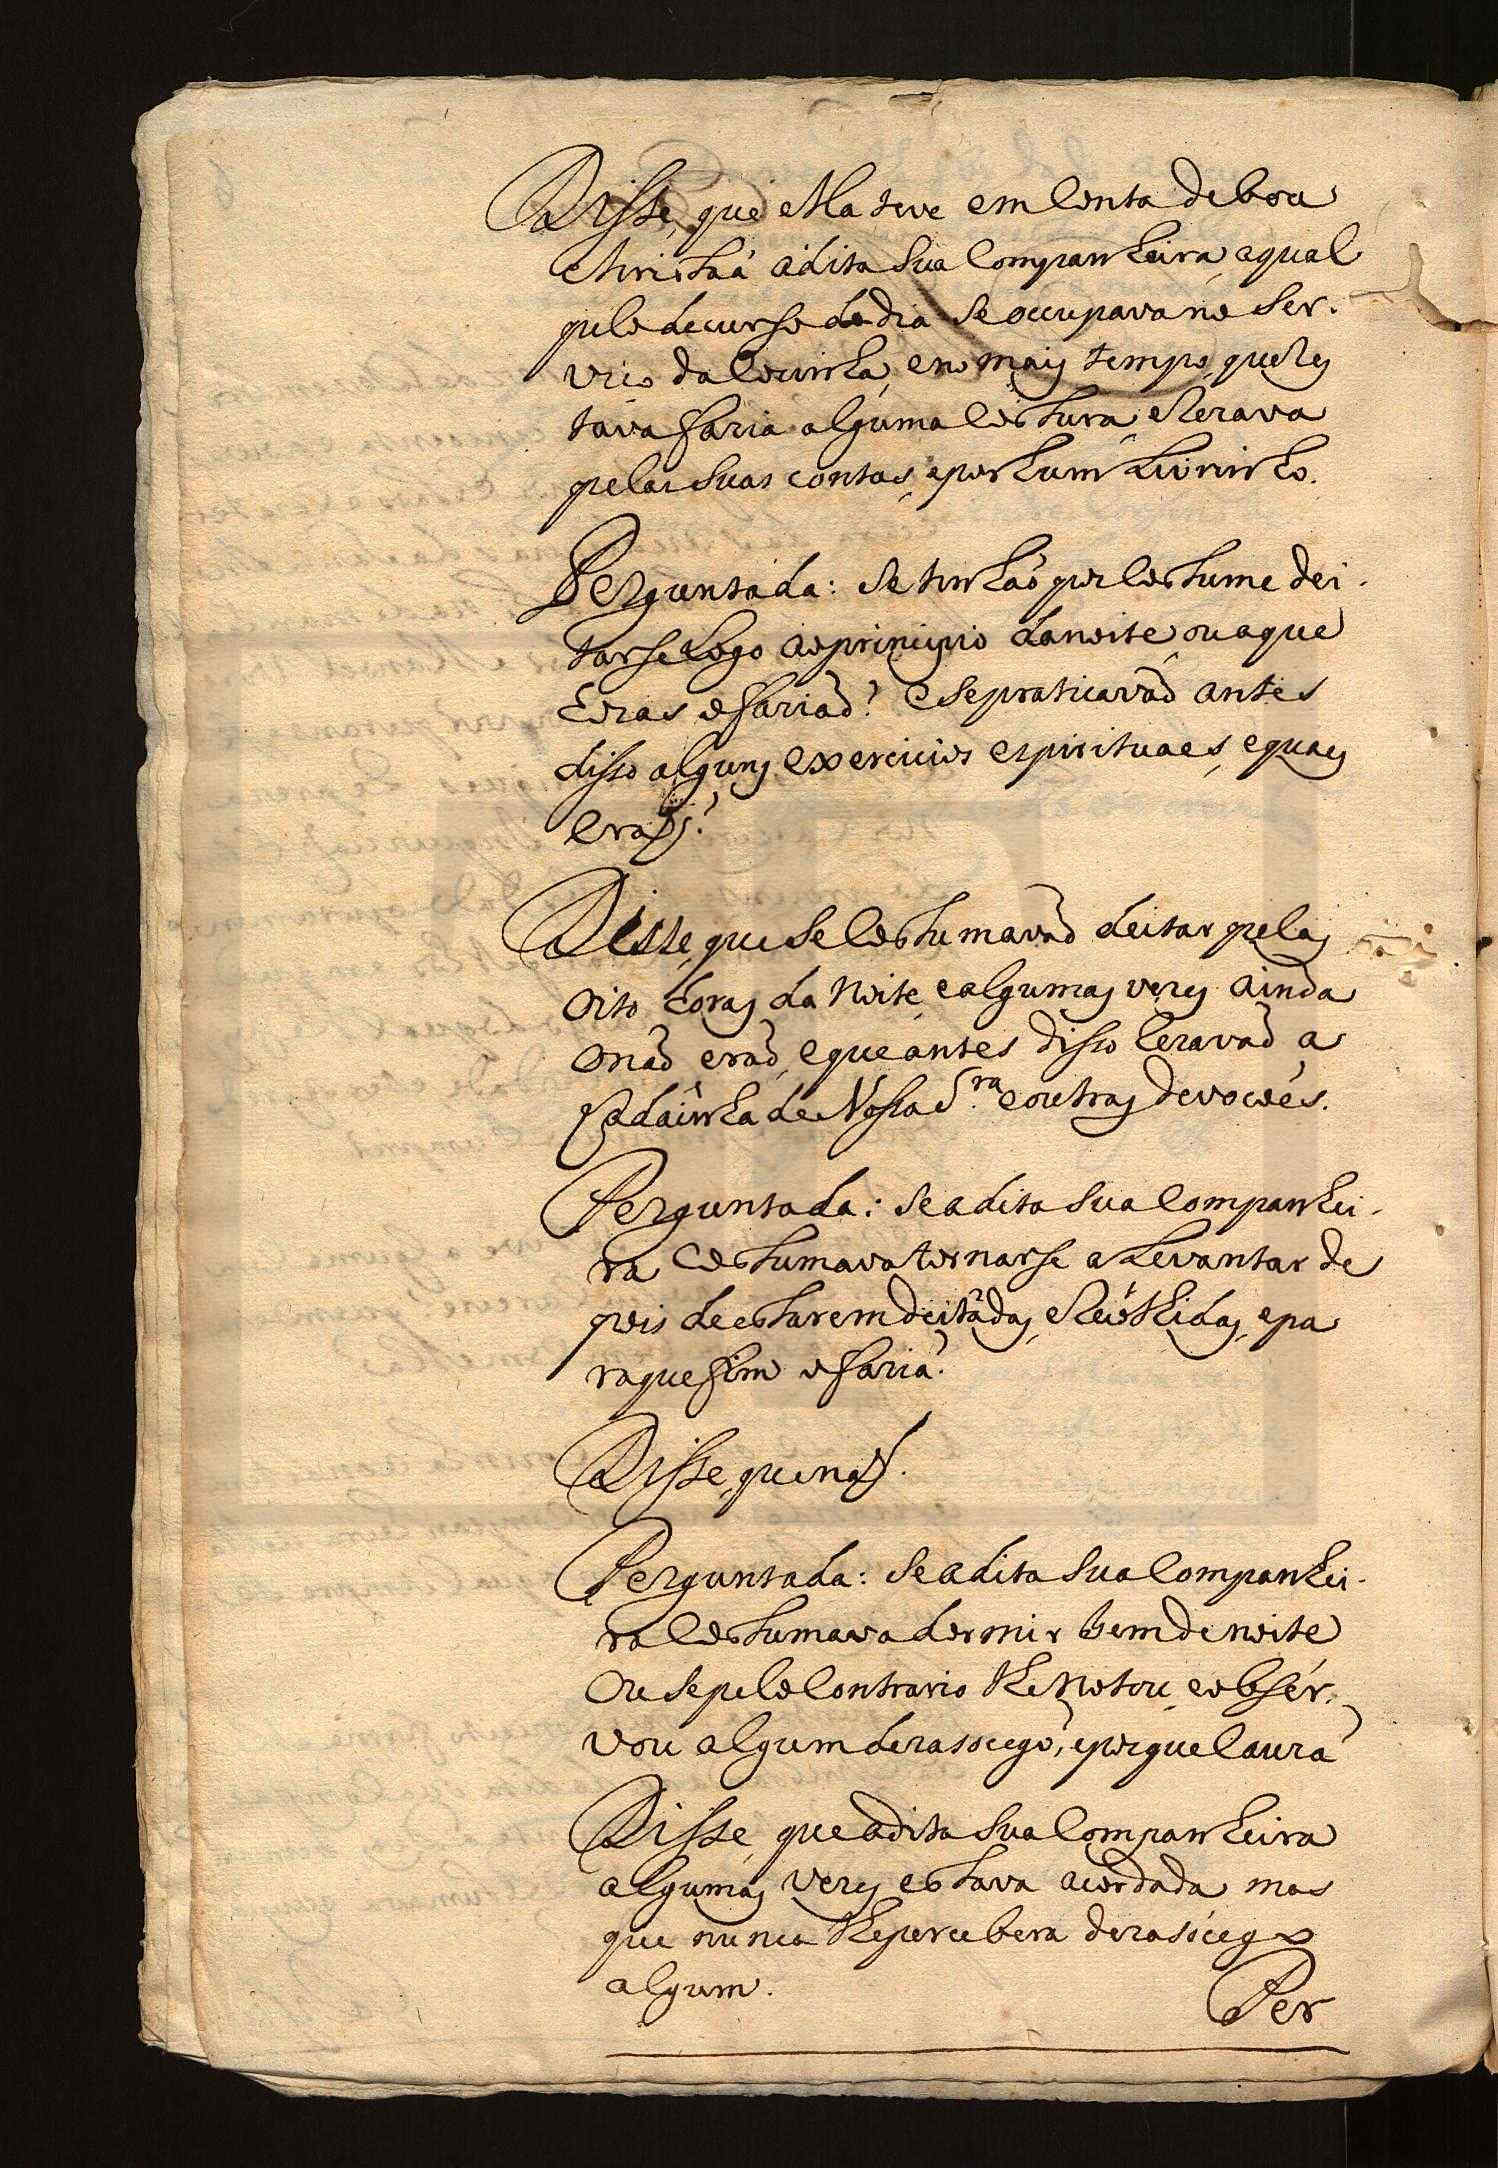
Disse, que ella teve em Conta de boa
christaã a dita sua Companheira, a qual
pelo decurso do dia se occupava no ser.
viço da Cozinha, e no mais tempo, que Res
tava fazia alguma costura, e Rezava
pelas Suas contas, e por hum Livrinho.
Perguntada: se tinhaõ por costume dei
tarse Logo ao principio da noite, ou a que
horas o faziaõ? e se praticavaõ antes
disso alguns exercicios espirituaes, e quaes
eraõ?
Disse, que Se costumavaõ deitar pelas
oito horas da noite, e algumas vezes ainda
o naõ eraõ, e que antes disso Rezavaõ a
Ladainha de Nossa S.ra e outras devocoẽs.
Perguntada: se a dita sua companhei
ra costumava tornarse a Levantar de
pois de estarem deitadas, e Recolhidas, e pa
ra que fim o fazia?
Disse, que naõ.
Perguntada: se a dita sua companhei
ra costumava dormir bem de noite,
Ou se pelo contrario lhe notou, e obser.
vou algum dezasocego? e por que cauza?
Disse, que a dita sua companheira
algumas vezes estava acordada, mas
que nunca lhe percebera dezasocego
algum.
Per
